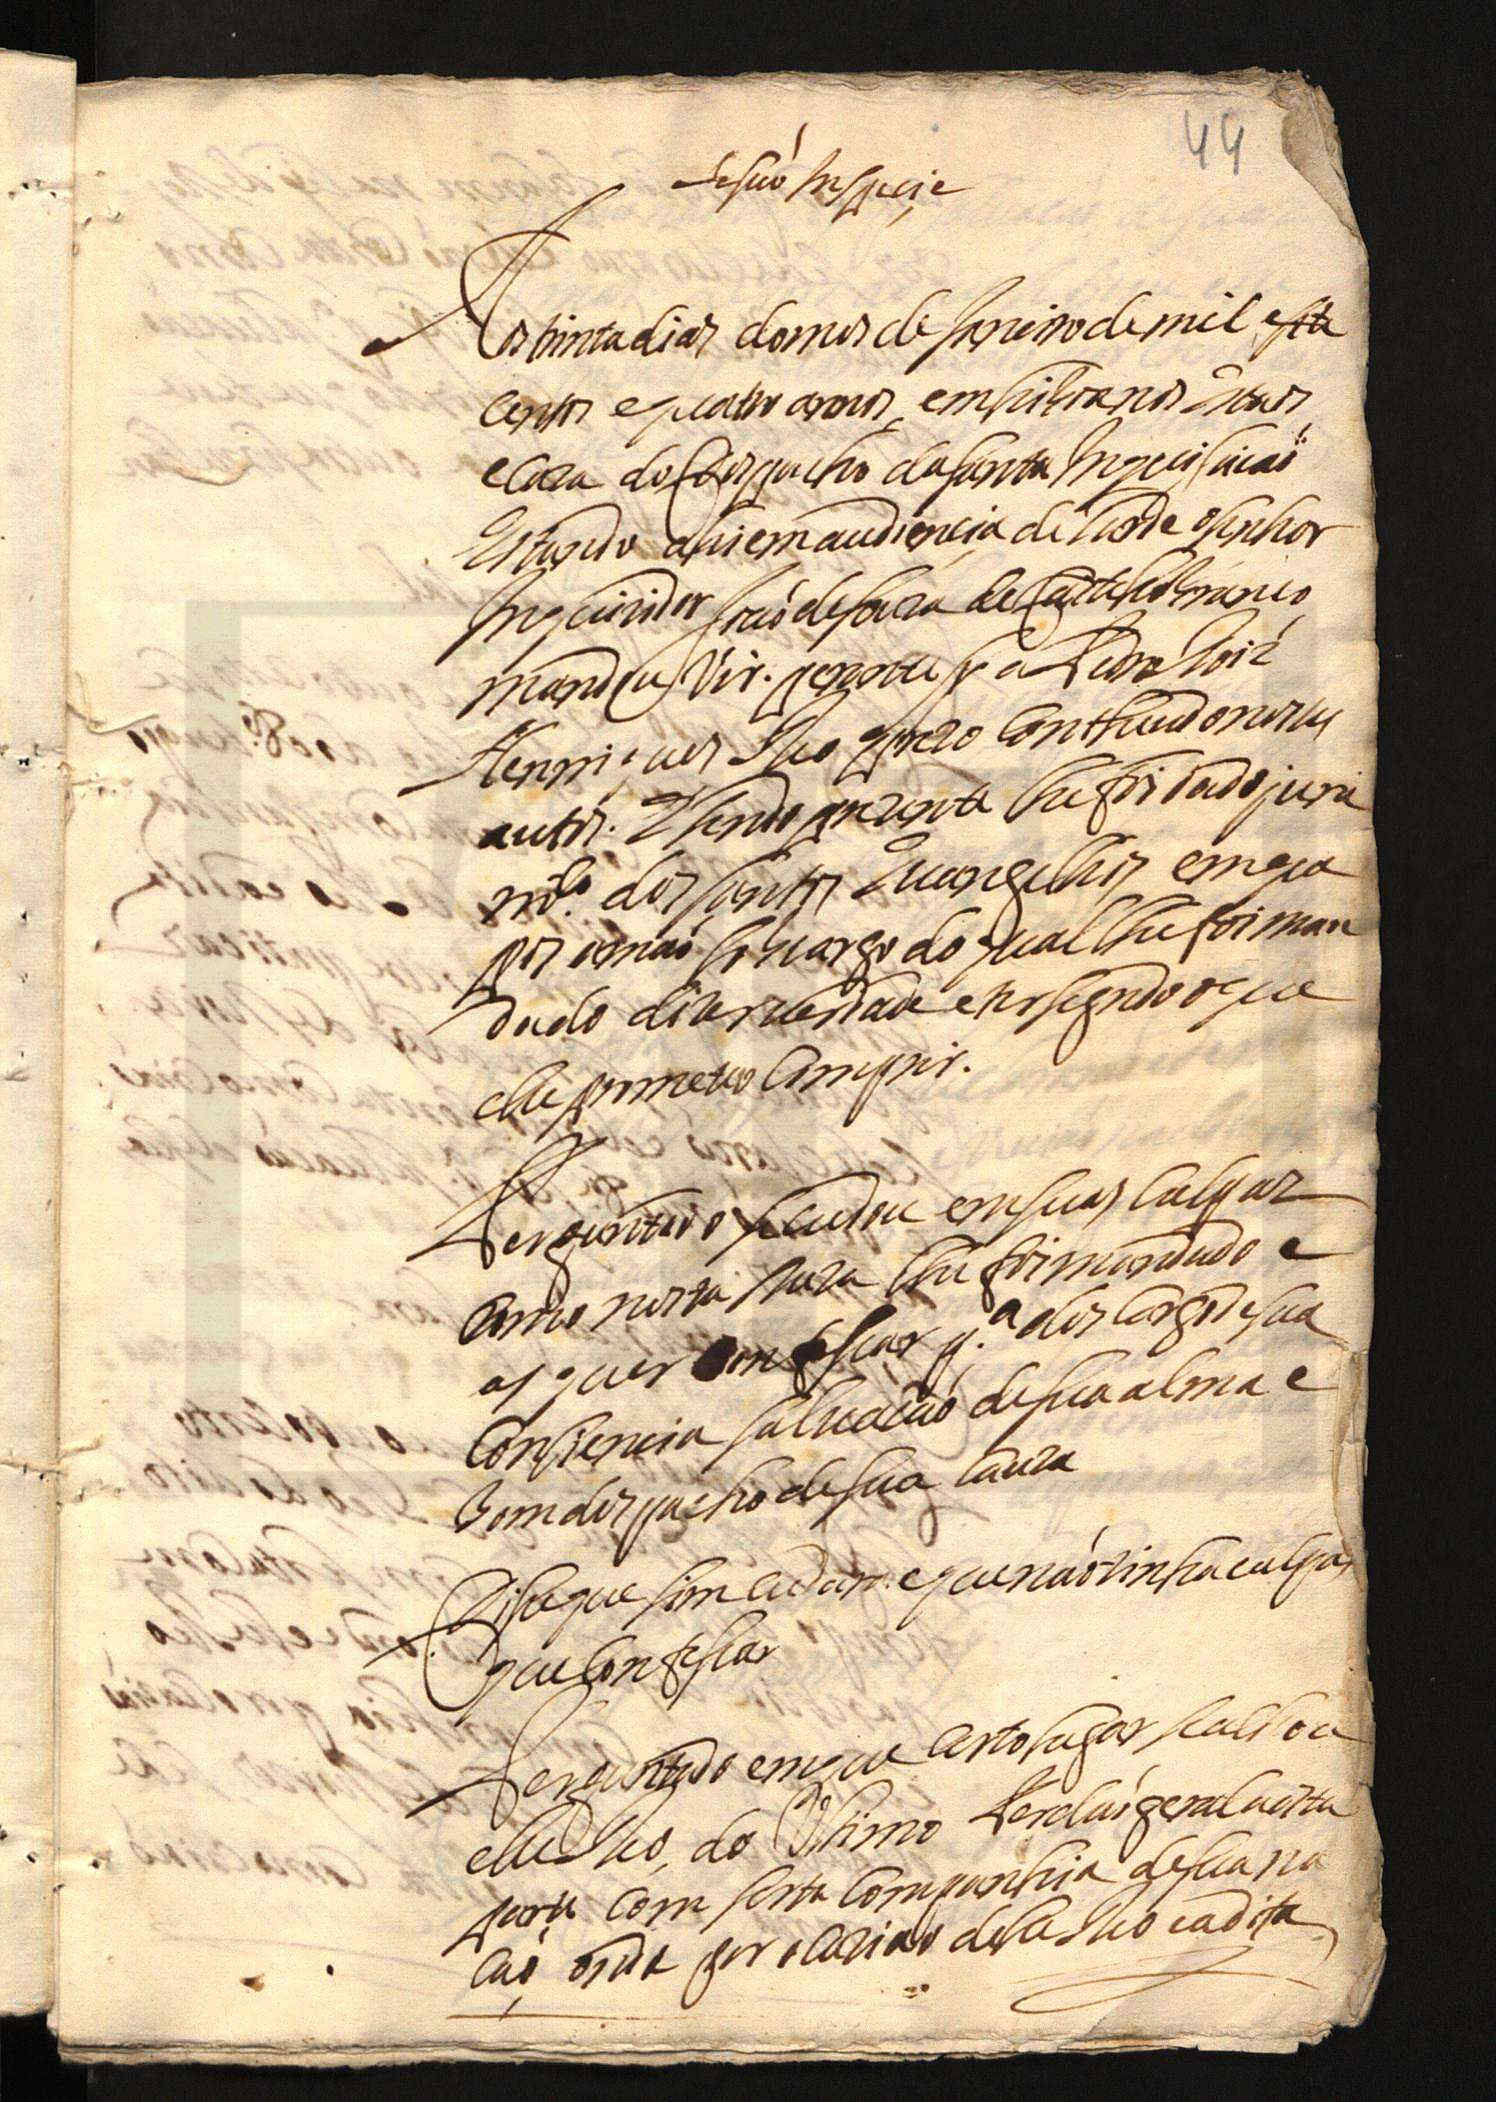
sesaõ In speçie
Aos trinta dias do mes de Janeiro de mil e sete
centos e quatro annos em lisboa nos Estaos
e caza do Despacho da santa Inquisicaõ
Estando ahi em audiençia de tarde o senhor
Jnquizidor Joaõ de souza de Castelo branco
mandou vir. perante sy a Pedro Roiz̄
Henriques Reo prezo Contheudo nestes
autos. E sendo prezente lhe foi dado jura
m.to dos santos Euangelhos em que
pos a maõ sob cargo do qual lhe foi man
dado dizer uerdade e ter segredo de que
elle prometeo comprir.
Perguntado se cudou em suas Culpaz
como nesta Meza lhe foi mandado e
as quer confessar p.a descargo de sua
ConCiencia saluacaõ de sua alma e
bom despacho de sua cauza
Disse que sim cudara e que naõ tinha culpas
que Confessar
Perguntado em que certo Lugar se achou
elle Reo, do Vltimo Perdaõ geral a esta
parte Com serta Companhia de sua na
çaõ onde por ocaziao delle Reo e a dita
